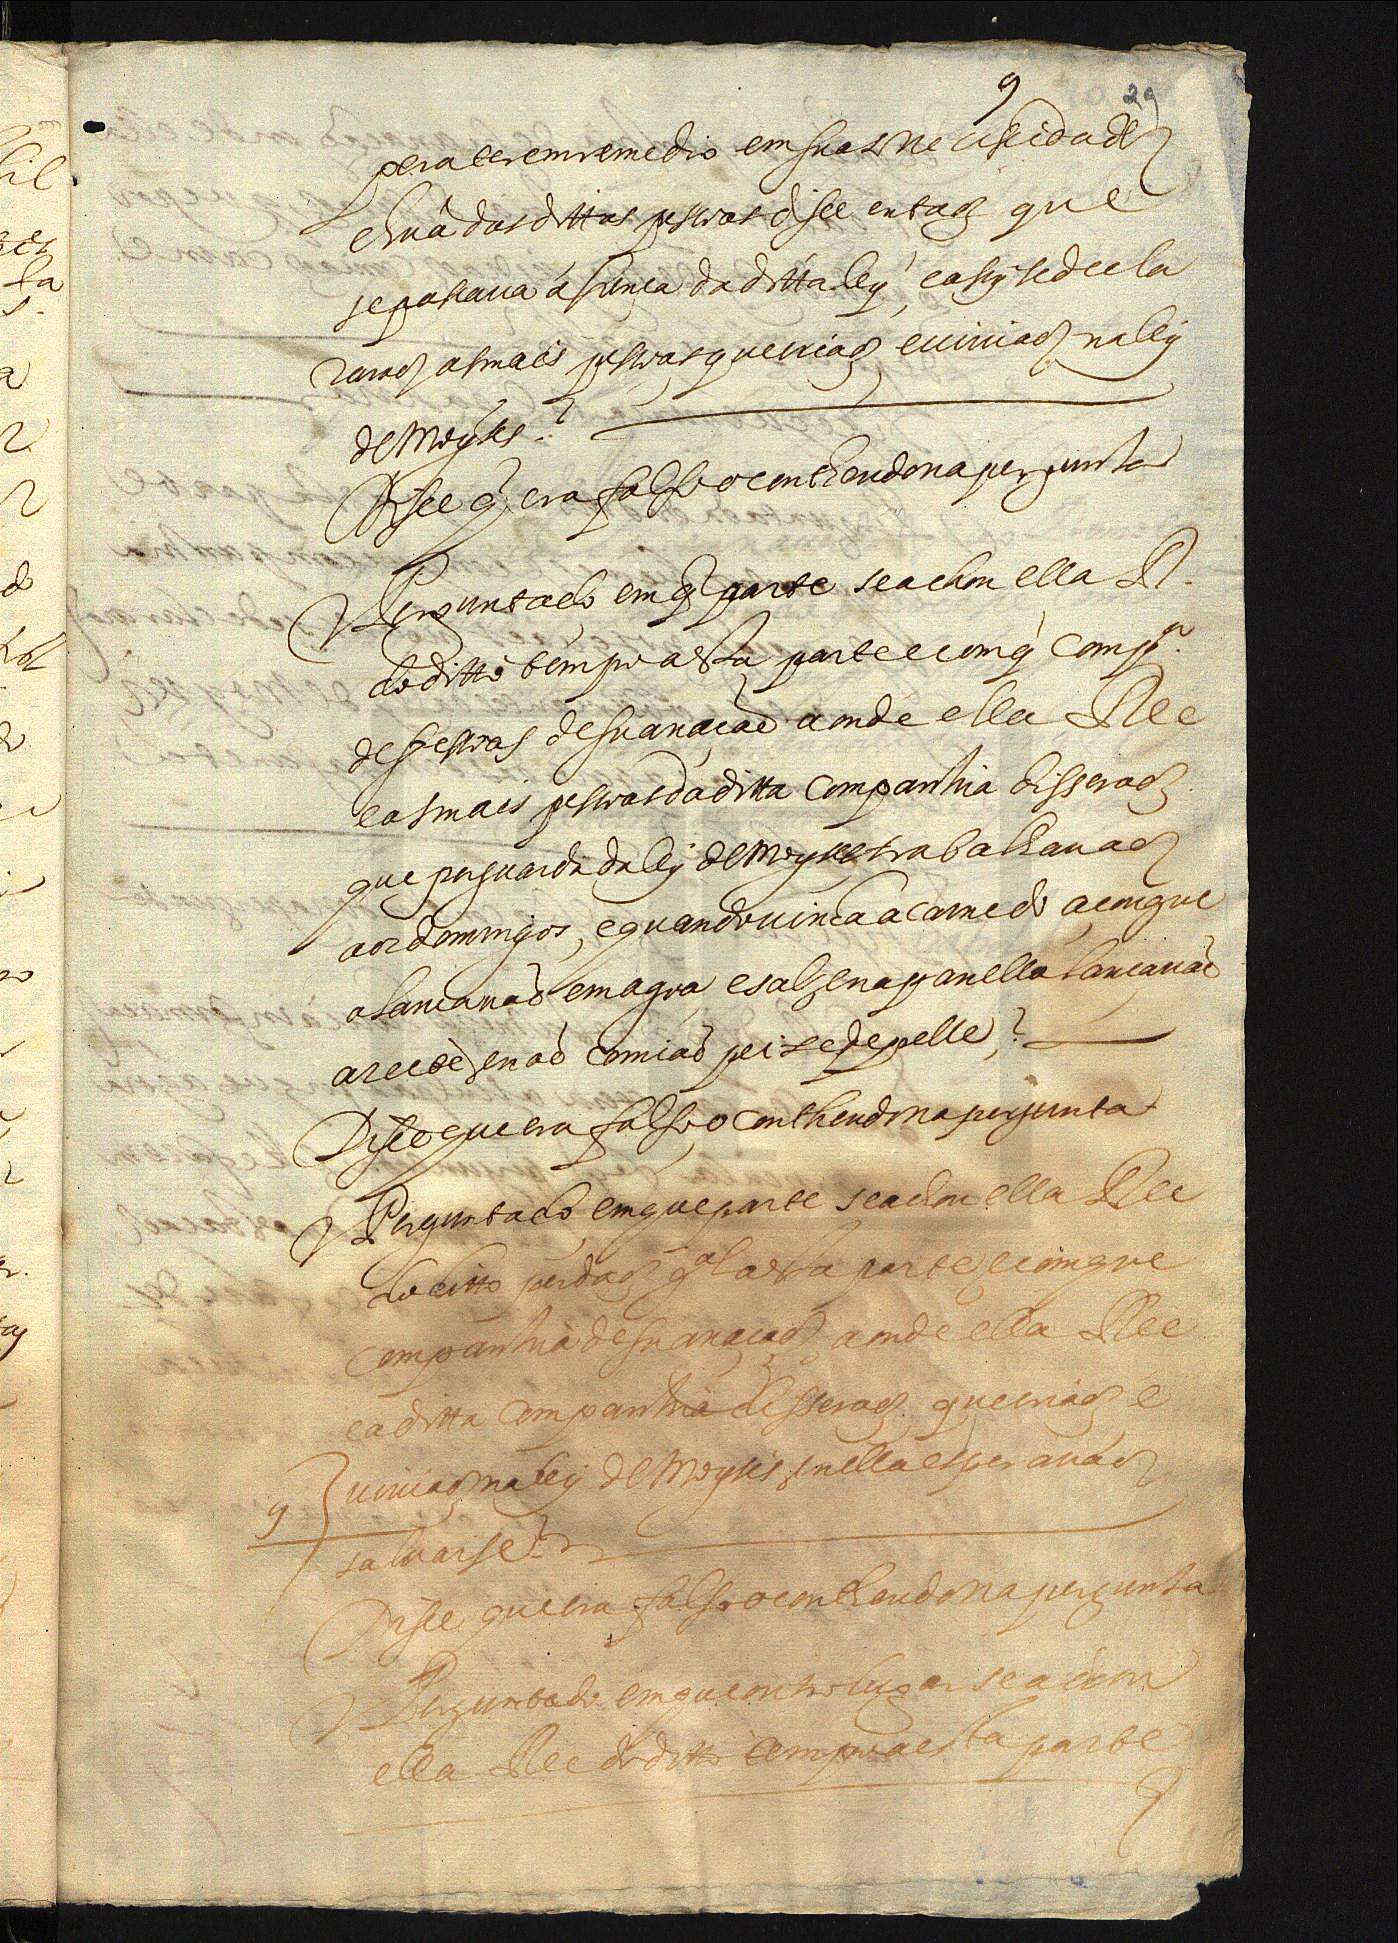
pera terem remedio em suas necessidadez
e huā das dittas pessoas disse entaõ que
se passaua á Crença da ditta ley, e assy se decla
raraõ as mais pessoas que criaõ e uiuiaõ na ley
de moyses?
Disse q̄ era falso o contheudo na pergunta
Perguntado em q̄ parte se achou ella R.
do ditto tempo a esta parte e com q̄ compa.
de pessoas de sua naçaõ aonde ella Ree
e as mais pessoas da ditta companhia disseraõ
que por guarda da ley de moyses trabalhauaõ
aos domingos, e quando uinha a carne do açougue
a lançauaõ em agoa e sal e na panella lançauaõ
azeite e naõ comião peixe de pelle?
Disse que era falso o contheudo na pergunta
Perguntado em que parte se achou ella Ree
do ditto perdaõ gal a esta parte e com que
companhia de sua naçaõ aonde ella Ree
e a ditta companhia disseraõ que criaõ e
uiuiaõ na ley de moyses e nella esperauão
saluarse
Disse que era falso o contheudo na pergunta
Perguntado em que outro lugar se achou
ella Ree do ditto tempo a esta parte
